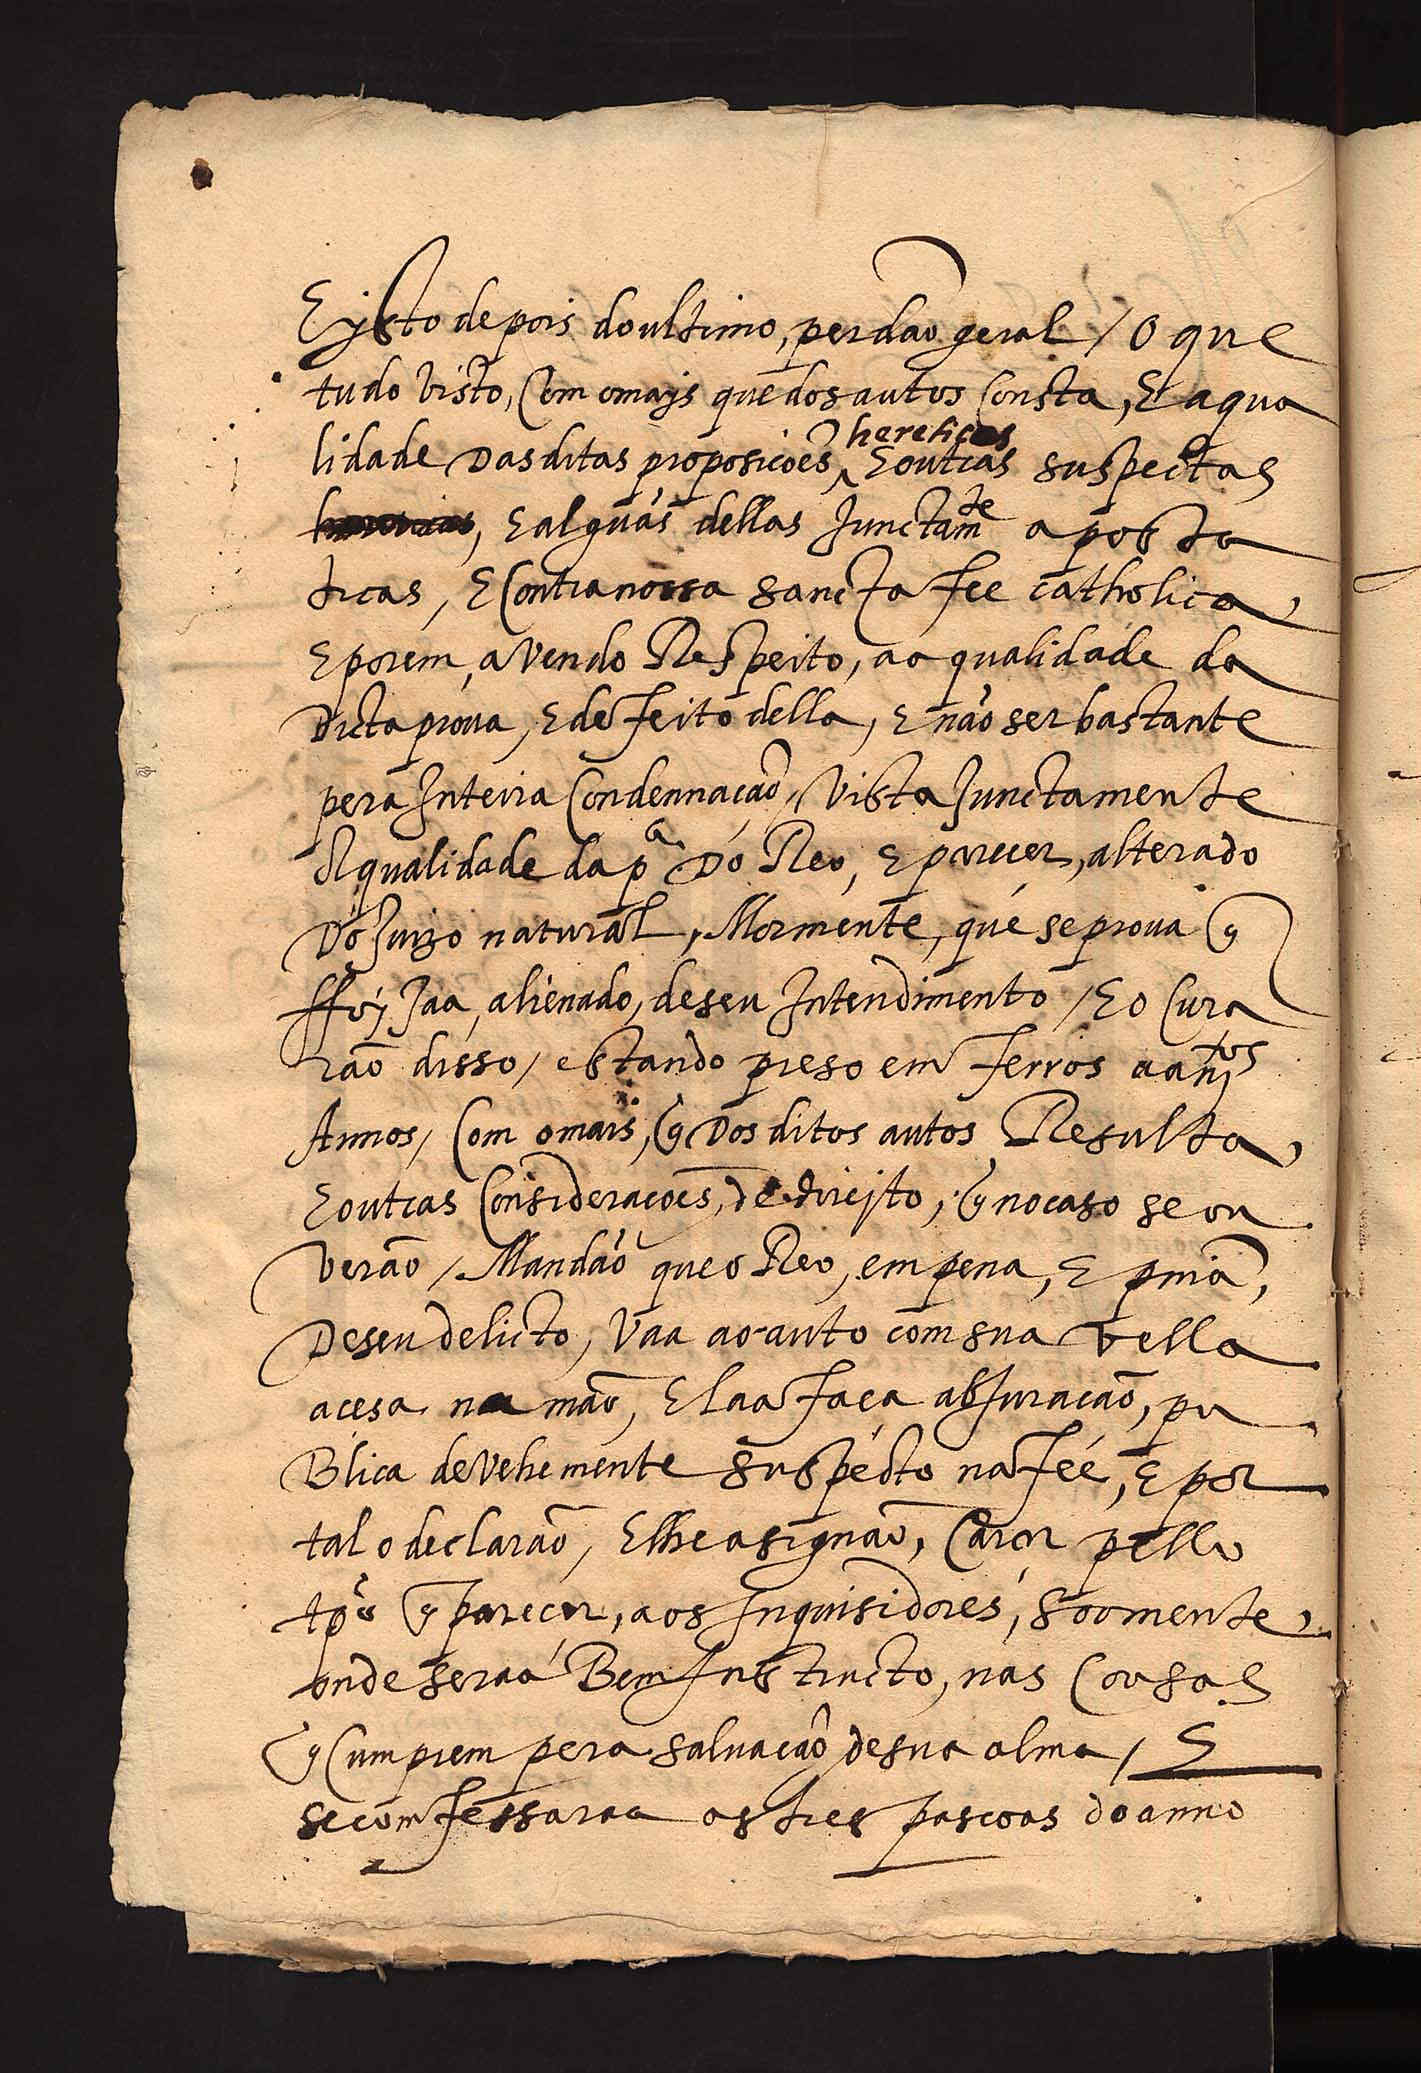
E ysto depois do ultimo, perdão geraL / O que
tudo visto, Com o mays que dos autos Consta, E a qua
lidade Das ditas proposições
heretic_s
E outras suspectas
hereticas, E algu̅as dellas Junctamte aposta
ticas, E Contra nossa sancta fee catholica,
E porem, avendo Respeito, aa qualidade da
Dicta proua, E defeito della, E não ser bastante
pera Jnteira Condennação, Vista Junctamente
A qualidade da pa. Do Reo, E pareçer, alterado
Do Juizo naturaL, Mormente, que se proua q̅
ffoy Jaa, alienado, de seu Jntendimento / E o Cura
rão disso / estando preso em ferros aa mtos
Annos, Com o mais, q̅ Dos ditos autos Resulta,
E outras Consideraçoẽs, de direjto, q̅ no caso se ou
verão / Mandão que o Reo, em pena, E pniā,
De seu delicto, vaa ao auto com sua vella
acesa na mão, E Laa faça abJuração, pu
Blica de vehemente suspecto na fee, E por
tal o declarão, E lhe asignão, Carçer pello
tpo̅ q̅ pareçer, aos Jnquisidores, soomente,
onde seraa Bem Jnstructo, nas Cousas
q̅ Cumprem pera saluação de sua alma / E
se comfessaraa as tres pascoas do anno
